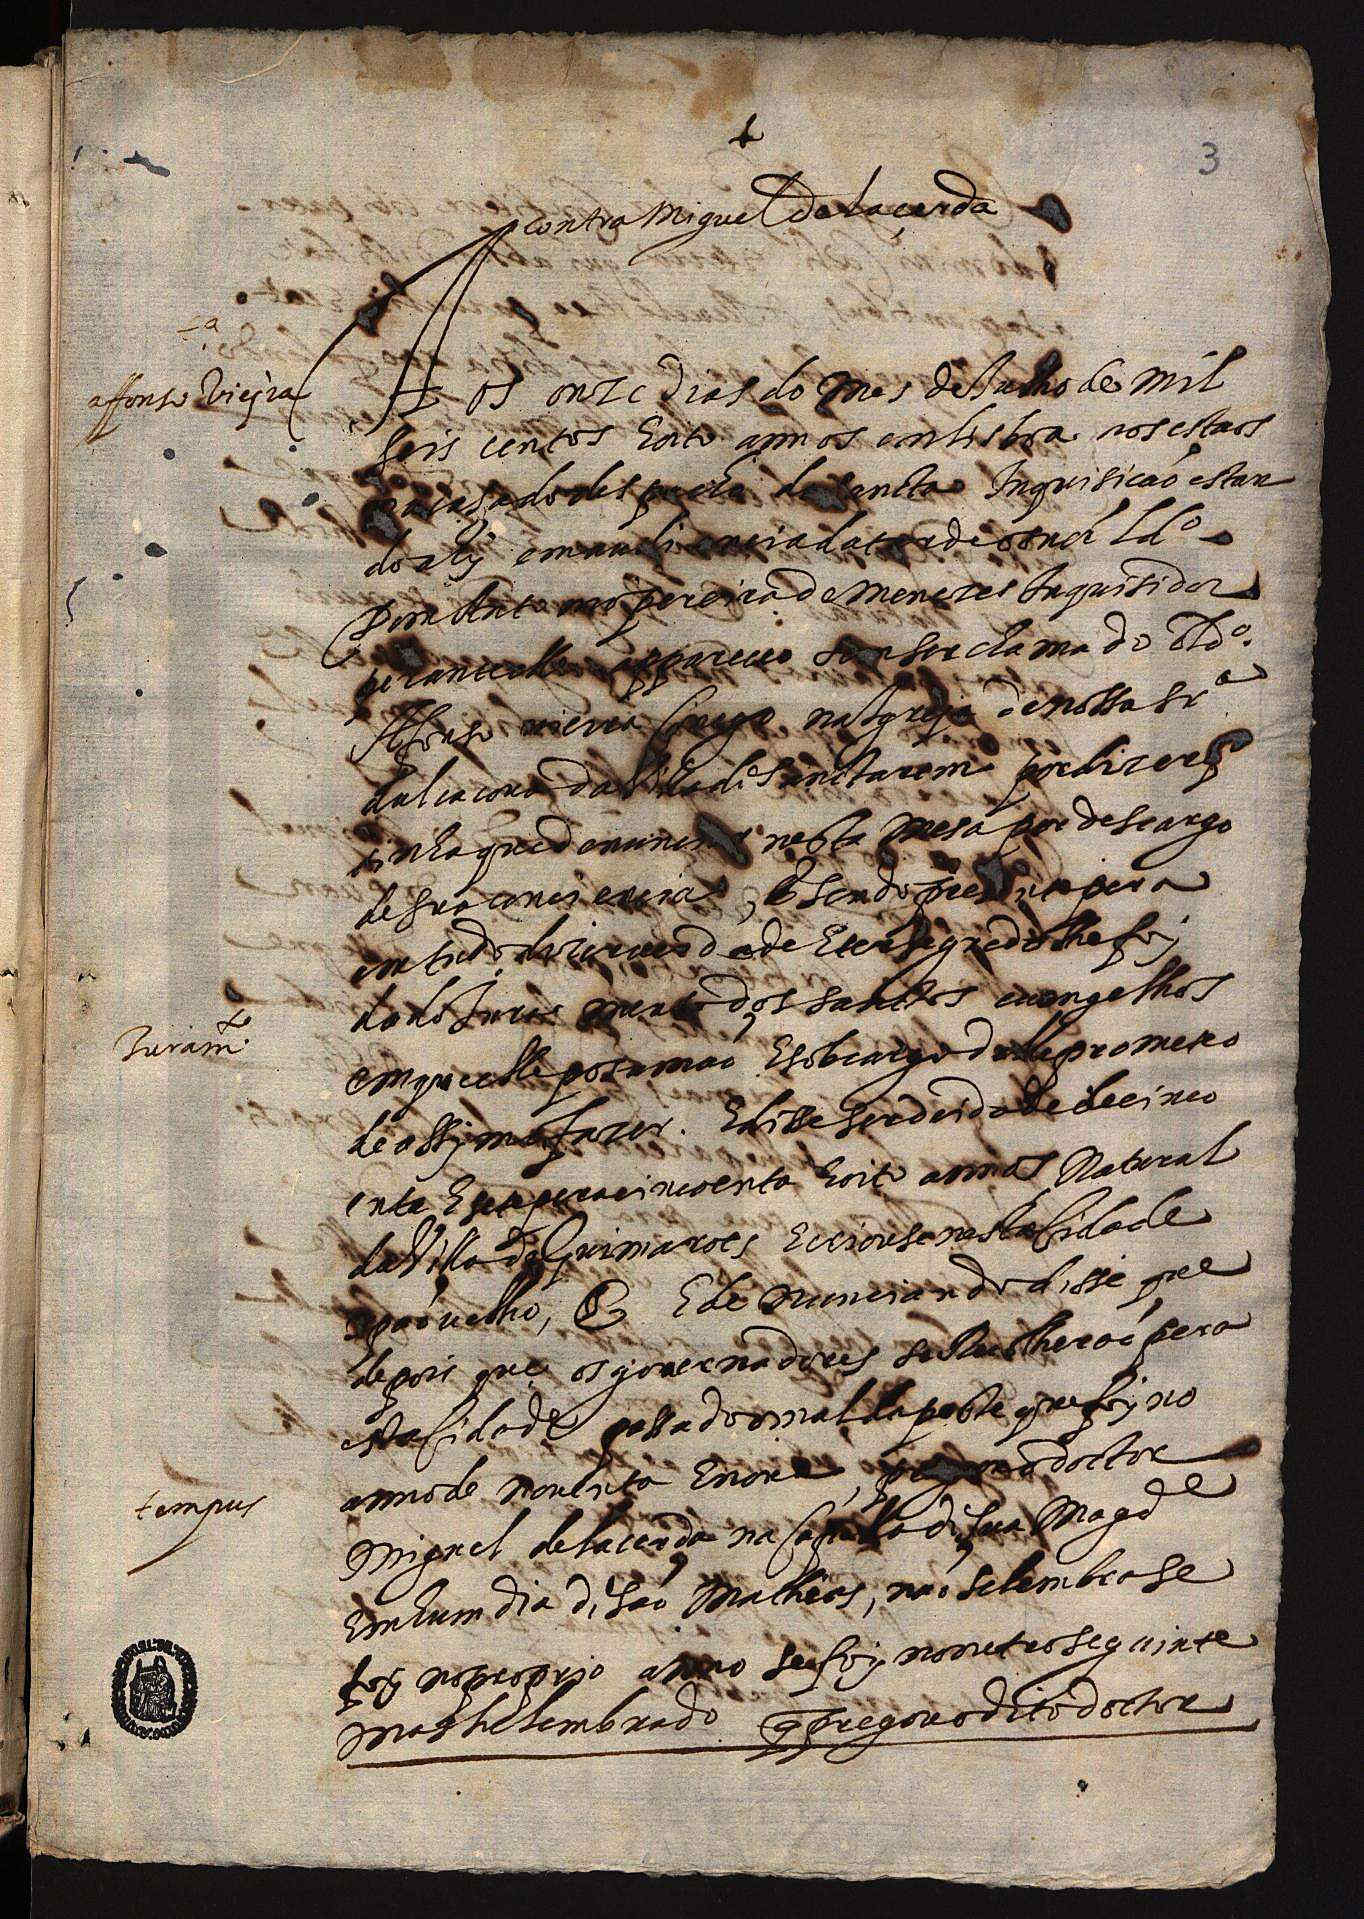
contra Miguel de Lacerda
Aos onze dias do mes de Iulho de mil
affonso Viejra
seiscentos E oito annos em Lisboa. nos estaos
na casa do despacho da Sancta Inquisiçaõ estan
do ahy em audiencia da tarde o snor̄ Ldo
Dom Antonio pereira de menezes Inquisidor
perante elle appareceo sem ser chamado o ld.o
Afonso vieira Conego na Igreja de nossa sra
dalcaçoua da Villa de sanctarem por dizer q̄
tinha que denunciar nesta mesa por descargo
de sua conciencia, E sendo presente pera
em tudo dizer uerdade E ter segredo lhe foj
dado Iuramento dos sanctos euangelhos
Iuram.to
em que elle pos a maõ E sob cargo delle prometeo
de assym o fazer. E disse ser de idade de cinco
enta E sete pera cincoenta E oito annos natural
da Villa de Guimaroes E criouse nesta Cidade
xpaõ uelho, ⁋ E denunciando disse que
depois que os gouernadores se Recolheraõ pera
esta Cidade passado o mal da peste que foy no
anno de nouenta E noue, pregou o doctor
tempus
Miguel de Lacerda na Capela de Sua Magde
Em hum dia de São Mathias, não se lembra se
foy no proprio anno se foy no outro seguinte
mas he lembrado q̄ pregou o dito doctor
